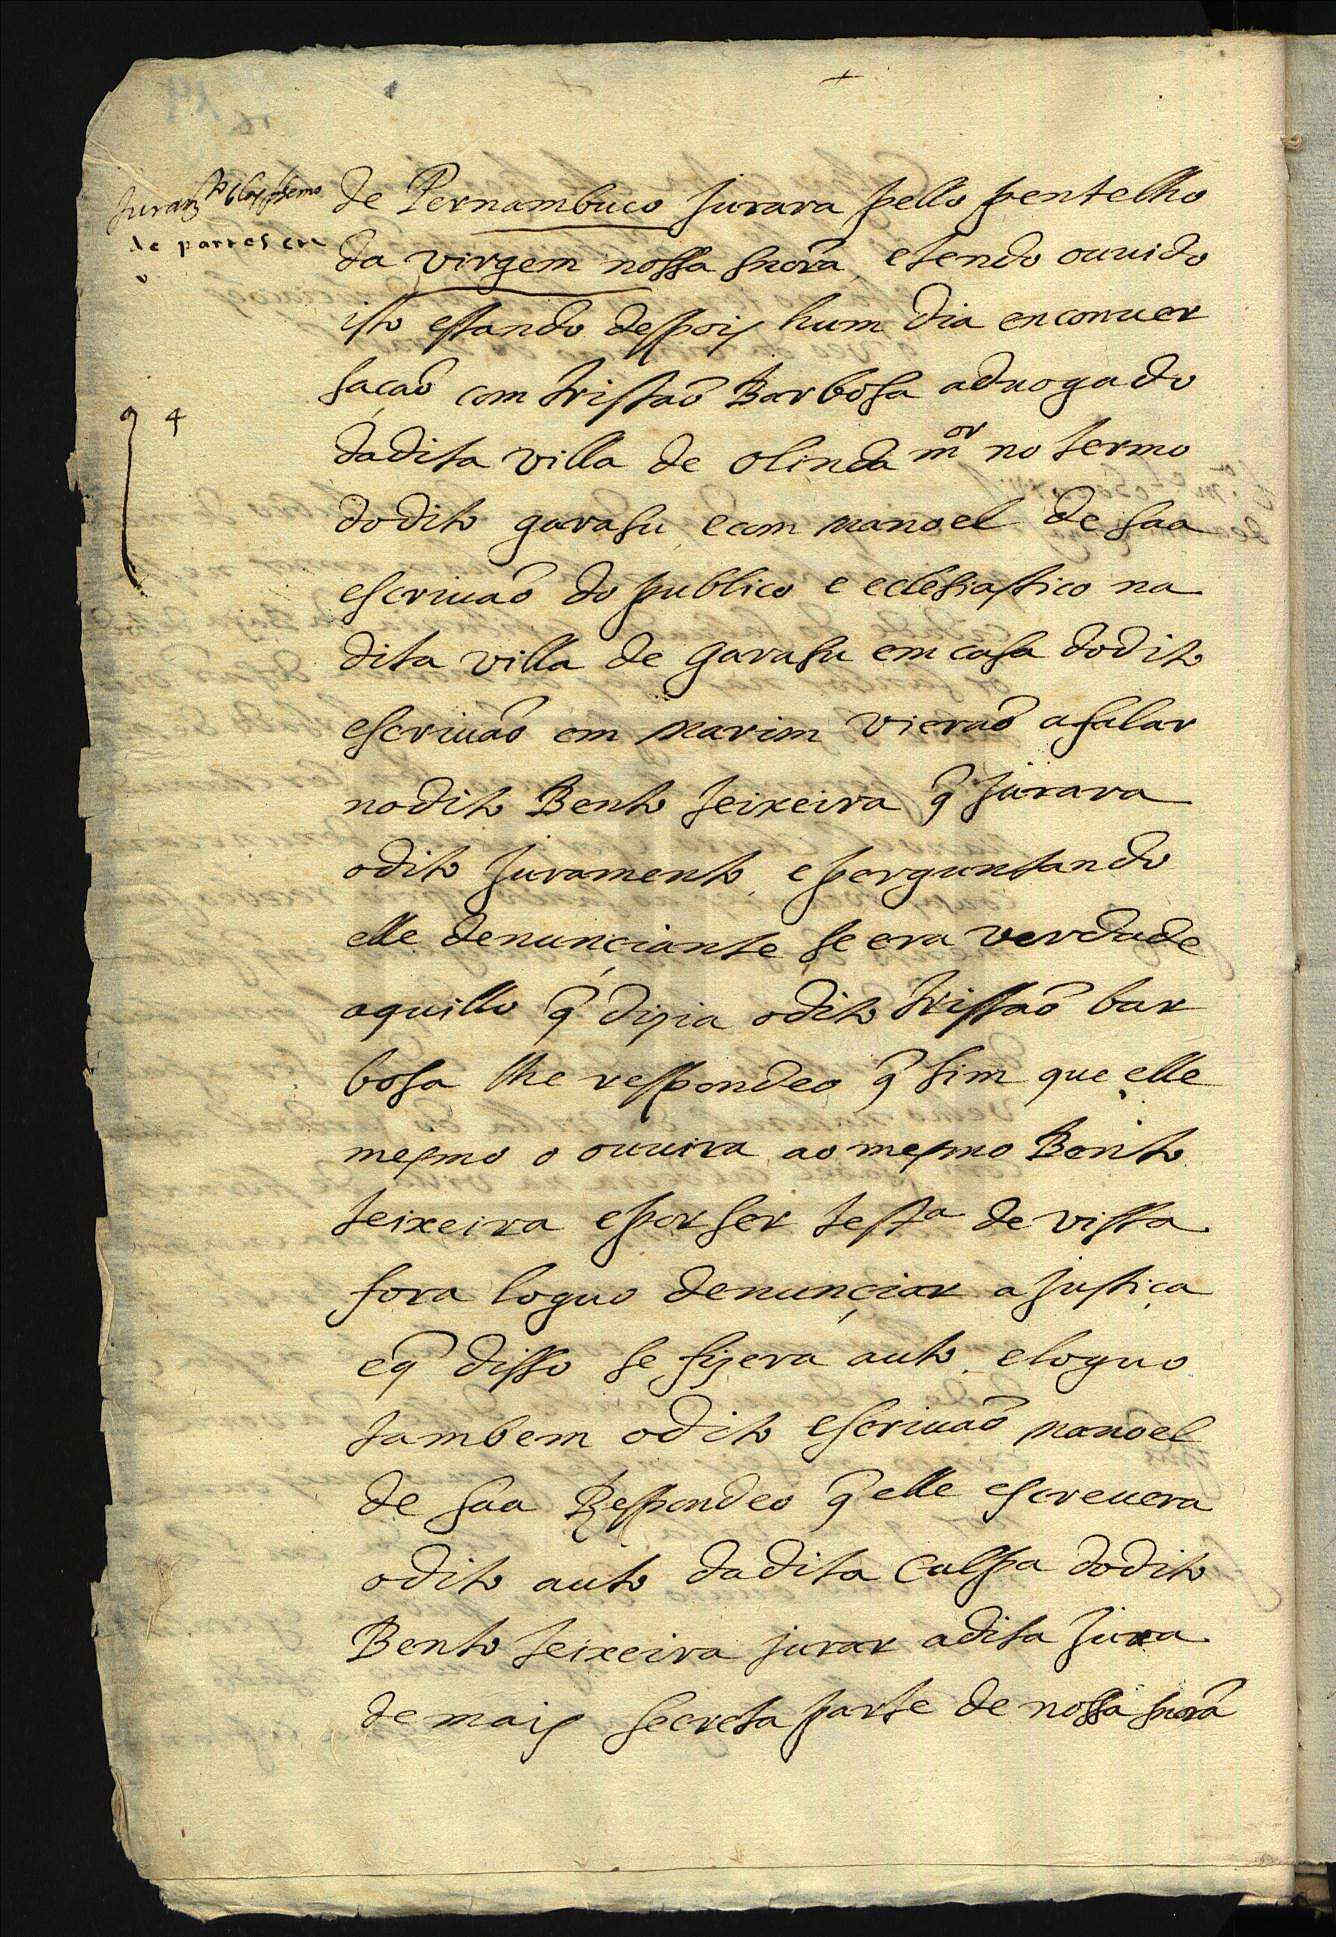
de Pernambuco Jurara pello pentelho
da virgem nossa snorā, e tendo ouuido
isto estando despois hum dia en comuer
saçaõ com Tristaõ Barbosa aduogado
da dita villa de Olinda mor no termo
do dito garasu, e com Manoel de saa
escriuaõ do publico e eclesiastico na
dita villa de garasu em casa do dito
escriuaõ em Marim vieraõ a falar
no dito Bento Teixeira que Jurara
o dito Juramento, e perguntando
elle denunçiante se era verdade
aquillo q̄ dizia o dito Tristaõ bar
bosa lhe respondeo q̄ sim que elle
mesmo o ouuira ao mesmo Bento
teixeira e por ser testa de vista
fora loguo denunciar a Justiça
e q̄ disso se fizera auto, e loguo
tambem o dito escriuaõ Manoel
de saa Respondeo q̄ elle escreuera
o dito auto da dita culpa do dito
Bento teixeira jurar a dita Jura
de mais secreta parte de nossa senorā
